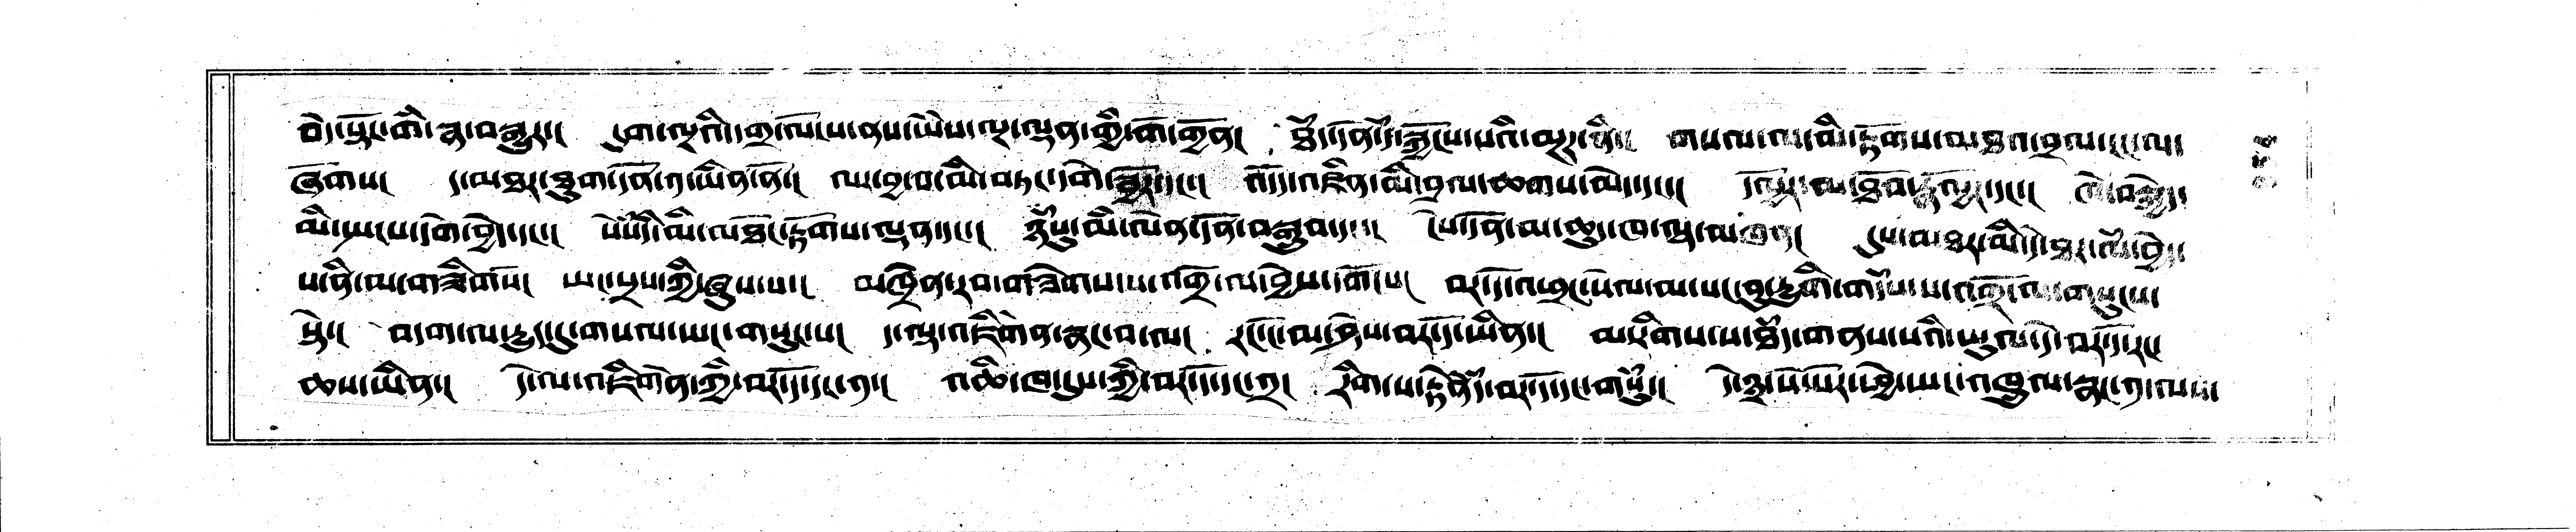བདེ་སྟོང་གིས་སྣ་བསྒྱུར། དུག་ལྔའི་དགྲ་ལངས་ན་ཡེ་ཤེས་ལྔ་ལྡན་གྱི་གོ་གྱོན། ཐམས་ཅད་དོན་དམ་སྐྱོང་བའི་མན་ངག་ནི། གསལ་ལ་མི་རྟོག་མཐའ་བྲལ་ངང་ལ་
ཞོག །ད་མཐར་ཐུག་དོན་གཅིག་ཡིན་ནོ། །ལར་བྱ་བ་མི་བཏང་དགེ་སྦྱོར་དང་། །འདོད་འཛིན་མི་འབྲལ་ཆགས་མེད་དང་། །དལ་འབྱོར་མ་ཐོབ་རྣལ་འབྱོར་དང་། །ཁེ་བསྐྱེད་
མི་སྤང་དགེ་བྱེད་དང་། །སེམས་ཉིད་མི་མཐོང་རྟོགས་ལྡན་དང་། །ཉམས་སུ་མི་ལེན་དོན་སྒྲུབ་དང་། །ངེས་དོན་མ་ཆུད་ཁ་ལྟ་མཁན། །དུས་མཐར་མི་དེ་ཐར་ལམ་བྱེད་
པ་ནི་མ་གཟིགས་སོ། །ཡང་སྲས་ཀྱིས་ཞུས་པ། མཁྱེན་རབ་གཟིགས་པ་འགྲོ་ལ་ཐུགས་རྗེས་དགོངས། བར་དོ་འཕྲང་སེལ་མ་པང་བུ་རྒྱུག་གི་གདམས་པ་འགྲོ་ལ་གསུངས་
ཏེ། བདག་ལ་རྒྱུད་དུ་གསལ་ཡང་གསུངས་པ། ད་ལྟ་འཇིག་རྟེན་སྣང་བ་ལ། རང་ངོ་མ་ཤེས་བར་དོ་ཡིན། མ་རིག་པ་ཐམས་ཅད་གནས་པའི་ཡུལ་དེ་བར་དོ་རང་
ཆས་ཡིན། དེ་ལ་འཇིག་རྟེན་ཀྱི་བར་དོ་དང་གཅིག འཆི་ཁ་དུས་ཀྱི་བར་དོ་དང་གཉིས། རིག་པ་རྟེན་མེད་བར་དོ་དང་གསུམ། དེ་གསུམ་སོ་སོར་ཕྱེ་ཡང་འཁྲུལ་སྣང་གཅིག་ལས་ཡི་